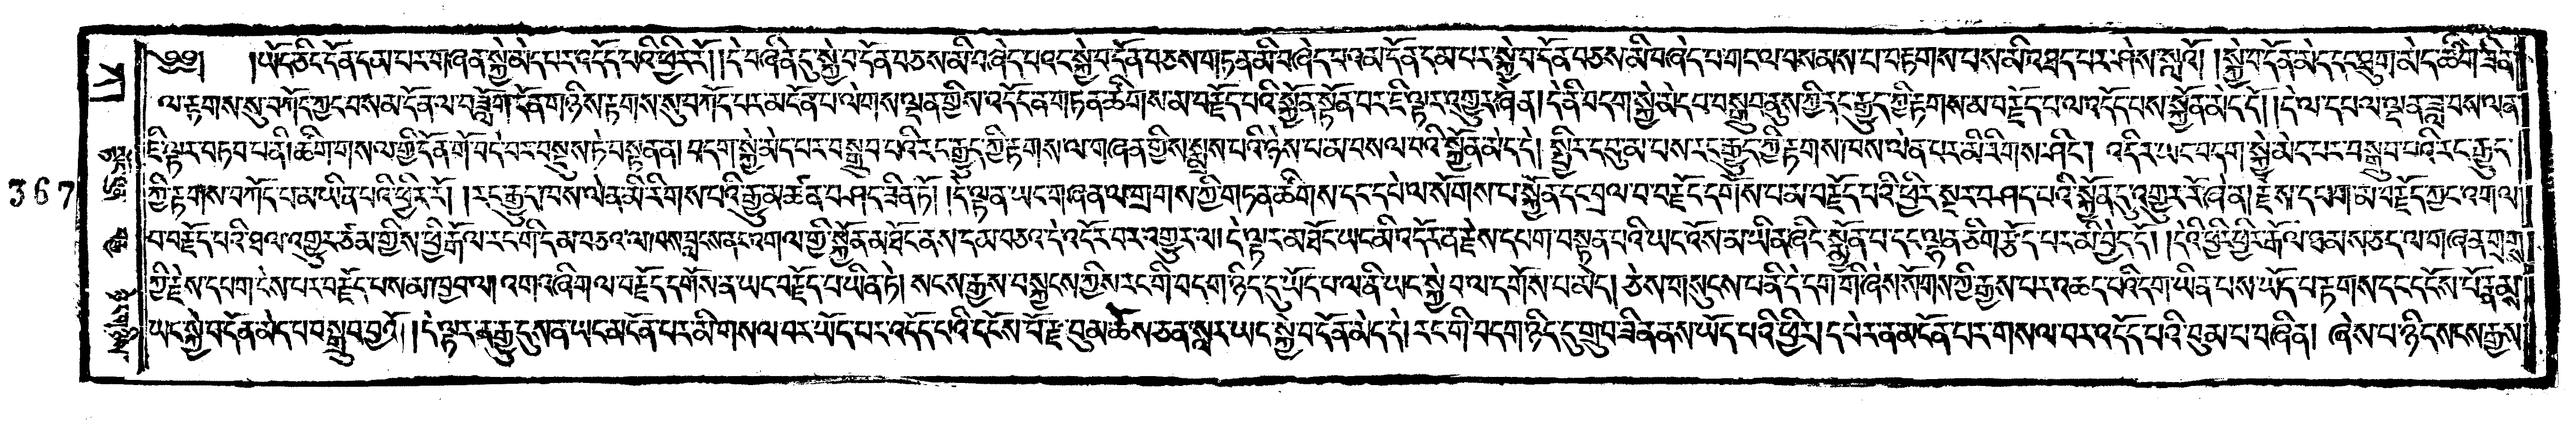༄༅། །ཡོད་ཅིང་དོན་དམ་པར་གཞན་སྐྱེ་མེད་པར་འདོད་པའི་ཕྱིར་རོ། །དེ་བཞིན་དུ་སྐྱེ་བ་དོན་བཅས་མི་བཞེད་པའང་སྐྱེ་བ་དོན་བཅས་གཏན་མི་བཞེད་པའམ་དོན་དམ་པར་སྐྱེ་བ་དོན་བཅས་མི་བཞེད་པ་གང་ལ་བསམས་པ་བརྟགས་པས་མི་འཐད་པར་ཤེས་སླའོ། །སྐྱེ་བ་དོན་མེད་དང་ཐུག་མེད་ཚིག་ཟིན་
ལ་རྟགས་སུ་བཀོད་ཀྱང་བསམ་དོན་ལ་བཟློག་དོན་གཉིས་རྟགས་སུ་བཀོད་པར་མངོན་པ་ལེགས་ལྡན་གྱིས་འདོད་ན་གཏན་ཚིགས་མ་བརྗོད་པའི་སྐྱོན་སྟོན་བར་ཇི་ལྟར་འགྱུར་ཞེ་ན། དེ་ནི་བདག་སྐྱེ་མེད་པ་བསྒྲུབ་ནུས་ཀྱི་རང་རྒྱུད་ཀྱི་རྟགས་མ་བརྗོད་པ་ལ་འདོད་པས་སྐྱོན་མེད་དོ། །དེ་ལ་དཔལ་ལྡན་ཟླ་བས་ལན་
ཇི་ལྟར་བཏབ་པ་ནི། ཚིག་གསལ་གྱི་དོན་གོ་བདེ་བར་བསྡུས་ཏེ་བསྟན་ན། བདག་སྐྱེ་མེད་པར་བསྒྲུབ་པའི་རང་རྒྱུད་ཀྱི་རྟགས་ལ་གཞན་གྱིས་སྨྲས་པའི་ཉེས་པ་མ་བསལ་བའི་སྐྱོན་མེད་དེ། སྤྱིར་དབུ་མ་པས་རང་རྒྱུད་ཀྱི་རྟགས་ཁས་ལེན་པར་མི་རིགས་ཤིང་། འདིར་ཡང་བདག་སྐྱེ་མེད་པར་བསྒྲུབ་པའི་རང་རྒྱུད་
ཀྱི་རྟགས་བཀོད་པ་མ་ཡིན་པའི་ཕྱིར་རོ། །རང་རྒྱུད་ཁས་ལེན་མི་རིགས་པའི་རྒྱུ་མཚན་བཤད་ཟིན་ཏོ། །དེ་ལྟ་ན་ཡང་གཞན་ལ་གྲགས་ཀྱི་གཏན་ཚིགས་དང་དཔེ་ལ་སོགས་པ་སྐྱོན་དང་བྲལ་བ་བརྗོད་དགོས་པ་མ་བརྗོད་པའི་ཕྱིར་སྔར་བཤད་པའི་སྐྱོན་དུ་འགྱུར་རོ་ཞེ་ན། རྗེས་དཔག་མ་བརྗོད་ཀྱང་འགལ་
བ་བརྗོད་པའི་ཐལ་འགྱུར་ཙམ་གྱིས་ཕྱི་རྒོལ་རང་གི་དམ་བཅའ་ལ་ཁས་བླངས་ནང་འགལ་གྱི་སྐྱོན་མཐོང་ནས་དམ་བཅའ་དེ་འདོར་བར་འགྱུར་ལ། དེ་ལྟར་མཐོང་ཡང་མི་འདོར་ན་རྗེས་དཔག་བསྟན་པའི་ཡང་འོས་མ་ཡིན་ཞིང་སྨྱོན་པ་དང་ལྷན་ཅིག་རྩོད་པར་མི་བྱེད་དོ། །དེའི་ཕྱིར་ཕྱིར་རྒོལ་ཐམས་ཅད་ལ་གཞན་གྲགས་
ཀྱི་རྗེས་དཔག་ངེས་པར་བརྗོད་པས་མ་ཁྱབ་ལ། འགའ་ཞིག་ལ་བརྗོད་དགོས་ན་ཡང་བརྗོད་པ་ཡིན་ཏེ། སངས་རྒྱས་བསྐྱངས་ཀྱིས་རང་གི་བདག་ཉིད་དུ་ཡོད་པ་ལ་ནི་ཡང་སྐྱེ་བ་ལ་དགོས་པ་མེད། ཅེས་གསུངས་པ་ནི་དེ་དག་གི་ཞེས་སོགས་ཀྱི་རྒྱས་པར་འཆད་པའི་དག་ཡིན་པས་ཡོད་པ་རྟགས་དང་དངོས་པོ་རྣམས་
ཡང་སྐྱེ་བ་དོན་མེད་པ་བསྒྲུབ་བྱའོ། །དེ་ལྟར་ན་རྒྱུ་དུས་ན་ཡང་མངོན་པར་མི་གསལ་བར་ཡོད་པར་འདོད་པའི་དངོས་པོ་རྫ་བུམ་ཆོས་ཅན་སླར་ཡང་སྐྱེ་བ་དོན་མེད་དེ། རང་གི་བདག་ཉིད་དུ་གྲུབ་ཟིན་ནས་ཡོད་པའི་ཕྱིར། དཔེར་ན་མངོན་པར་གསལ་བར་འདོད་པའི་བུམ་པ་བཞིན། ཞེས་པ་ཉིད་སངས་རྒྱས་